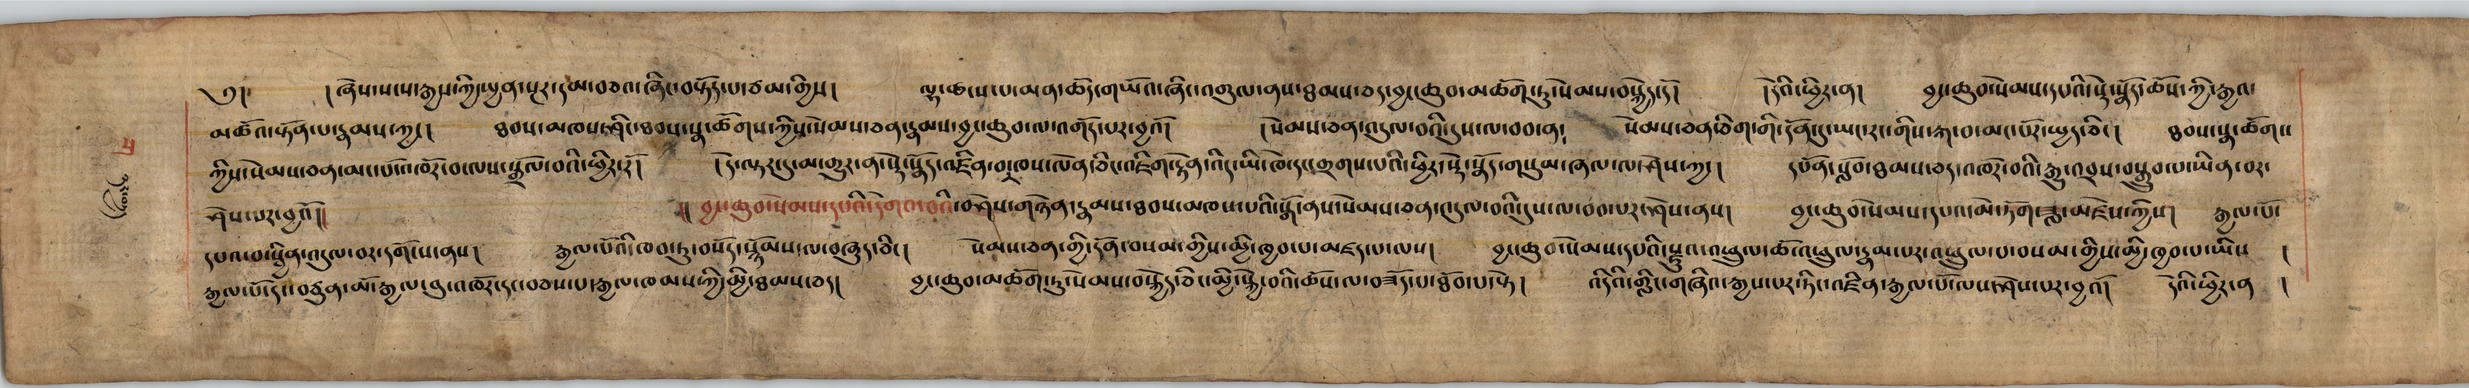༅། །ཞེས་སངས་རྒྱས་ཀྱི་སྤྱན་སྔར་དམ་བཅའ་ཞིང་བསྟོད་པ་ཙམ་གྱིས། ལྷ་ཚངས་པ་མན་ཆོད་གཡོའ་ཞིང་འགུལ་ནས་ཐམས་ཅད་བྱང་ཆུབ་མཆོག་ཏུ་སེམས་བསྐྱེད་དོ། །དེའི་ཕྱིར་ན། བྱང་ཆུབ་སེམས་དཔའི་སྡེ་སྣོད་ཆོས་ཀྱི་རྒྱའ་
མཚོའ་སྟོན་པ་རྣམས་ཀྱང། ཐབས་མཁས་ཤིང་ཐབས་སྣ་ཚོགས་ཀྱིས་སེམས་ཅན་རྣམས་བྱང་ཆུབ་ལ་འགོད་པར་བྱའོ། །སེམས་ཅན་འདུལ་བའི་དུས་ལ་བབ་ན། སེམས་ཅན་ཅིག་གི་དོན་དུ་ཡང་རང་གིས་རྐ་བ་མང་པོར་སྤྱད་ཅིང། ཐབས་སྣ་ཚོགས
ཀྱིས་སེམས་ཅན་མང་པོ་འཁོར་བ་ལས་སྒྲོལ་བའི་ཕྱིར་རོ། །དེ་ལྟར་དུ་མ་གྱུར་ན་སྡེ་སྣོད་འཛིན་བ་ཁས་ལེན་ཅིང་འཇིག་རྟེན་འདི་ཡི་ཁེ་དང་གྲགས་པའི་ཕྱིར་སྡེ་སྣོད་གསུམ་ཞལ་ལ་ཤེས་ཀྱང། དཔོན་སློབ་ཐམས་ཅད་འཁོར་བའི་རྒྱུ་འབྲས་བསྒྲུབ་པ་ཡིན་བར་
ཤེས་པར་བྱའོ།། །། བྱང་ཆུབ་སེམས་དཔའི་དགེའ་བའི་བཤེས་གཉེན་རྣམས་ཐབས་མཁས་པའི་སྒོ་ནས་སེམས་ཅན་འདུལ་བའི་དུས་ལ་བབ་པར་ཤེས་ནས། བྱང་ཆུབ་སེམས་དཔའ་མེ་ཏོག་ཟླ་མཛེས་ཀྱིས། རྒྱལ་པོ་
དཔའ་བ་སྦྱིན་འདུལ་བར་དགོངས་ནས། རྒྱལ་པོའི་ཁབ་ཏུ་བསོད་སྙོམས་ལ་བཞུད་ཅིང། སེམས་ཅན་གྱི་དོན་བསམ་གྱིས་མྱི་ཁྱབ་པ་མཛད་པ་ལས། བྱང་ཆུབ་སེམས་དཔའི་སྫུའ་འཕྲུལ་ཆོ་འཕྲུལ་རྣམ་པར་འཕྲུལ་པ་བསམ་གྱིས་མྱི་ཁྱབ་པ་ཡིས
རྒྱལ་པོ་དང་བཙུན་མོ་རྒྱལ་བུ་འཁོར་དང་བཅས་པ་རྒྱལ་ཁམས་ཀྱི་མྱི་ཐམས་ཅད། བྱང་ཆུབ་མཆོག་ཏུ་སེམས་བསྐྱེད་ཅིང་མྱེ་སྐྱེ་བའི་ཆོས་ལ་བཟོད་པ་ཐོབ་པ་སྟེ། འདིའི་གླིང་གཞིའ་རྒྱས་པར་ཏིང་འཛིན་རྒྱལ་པོ་ལས་ཤེས་པར་བྱའོ། དེའི་ཕྱིར་ན